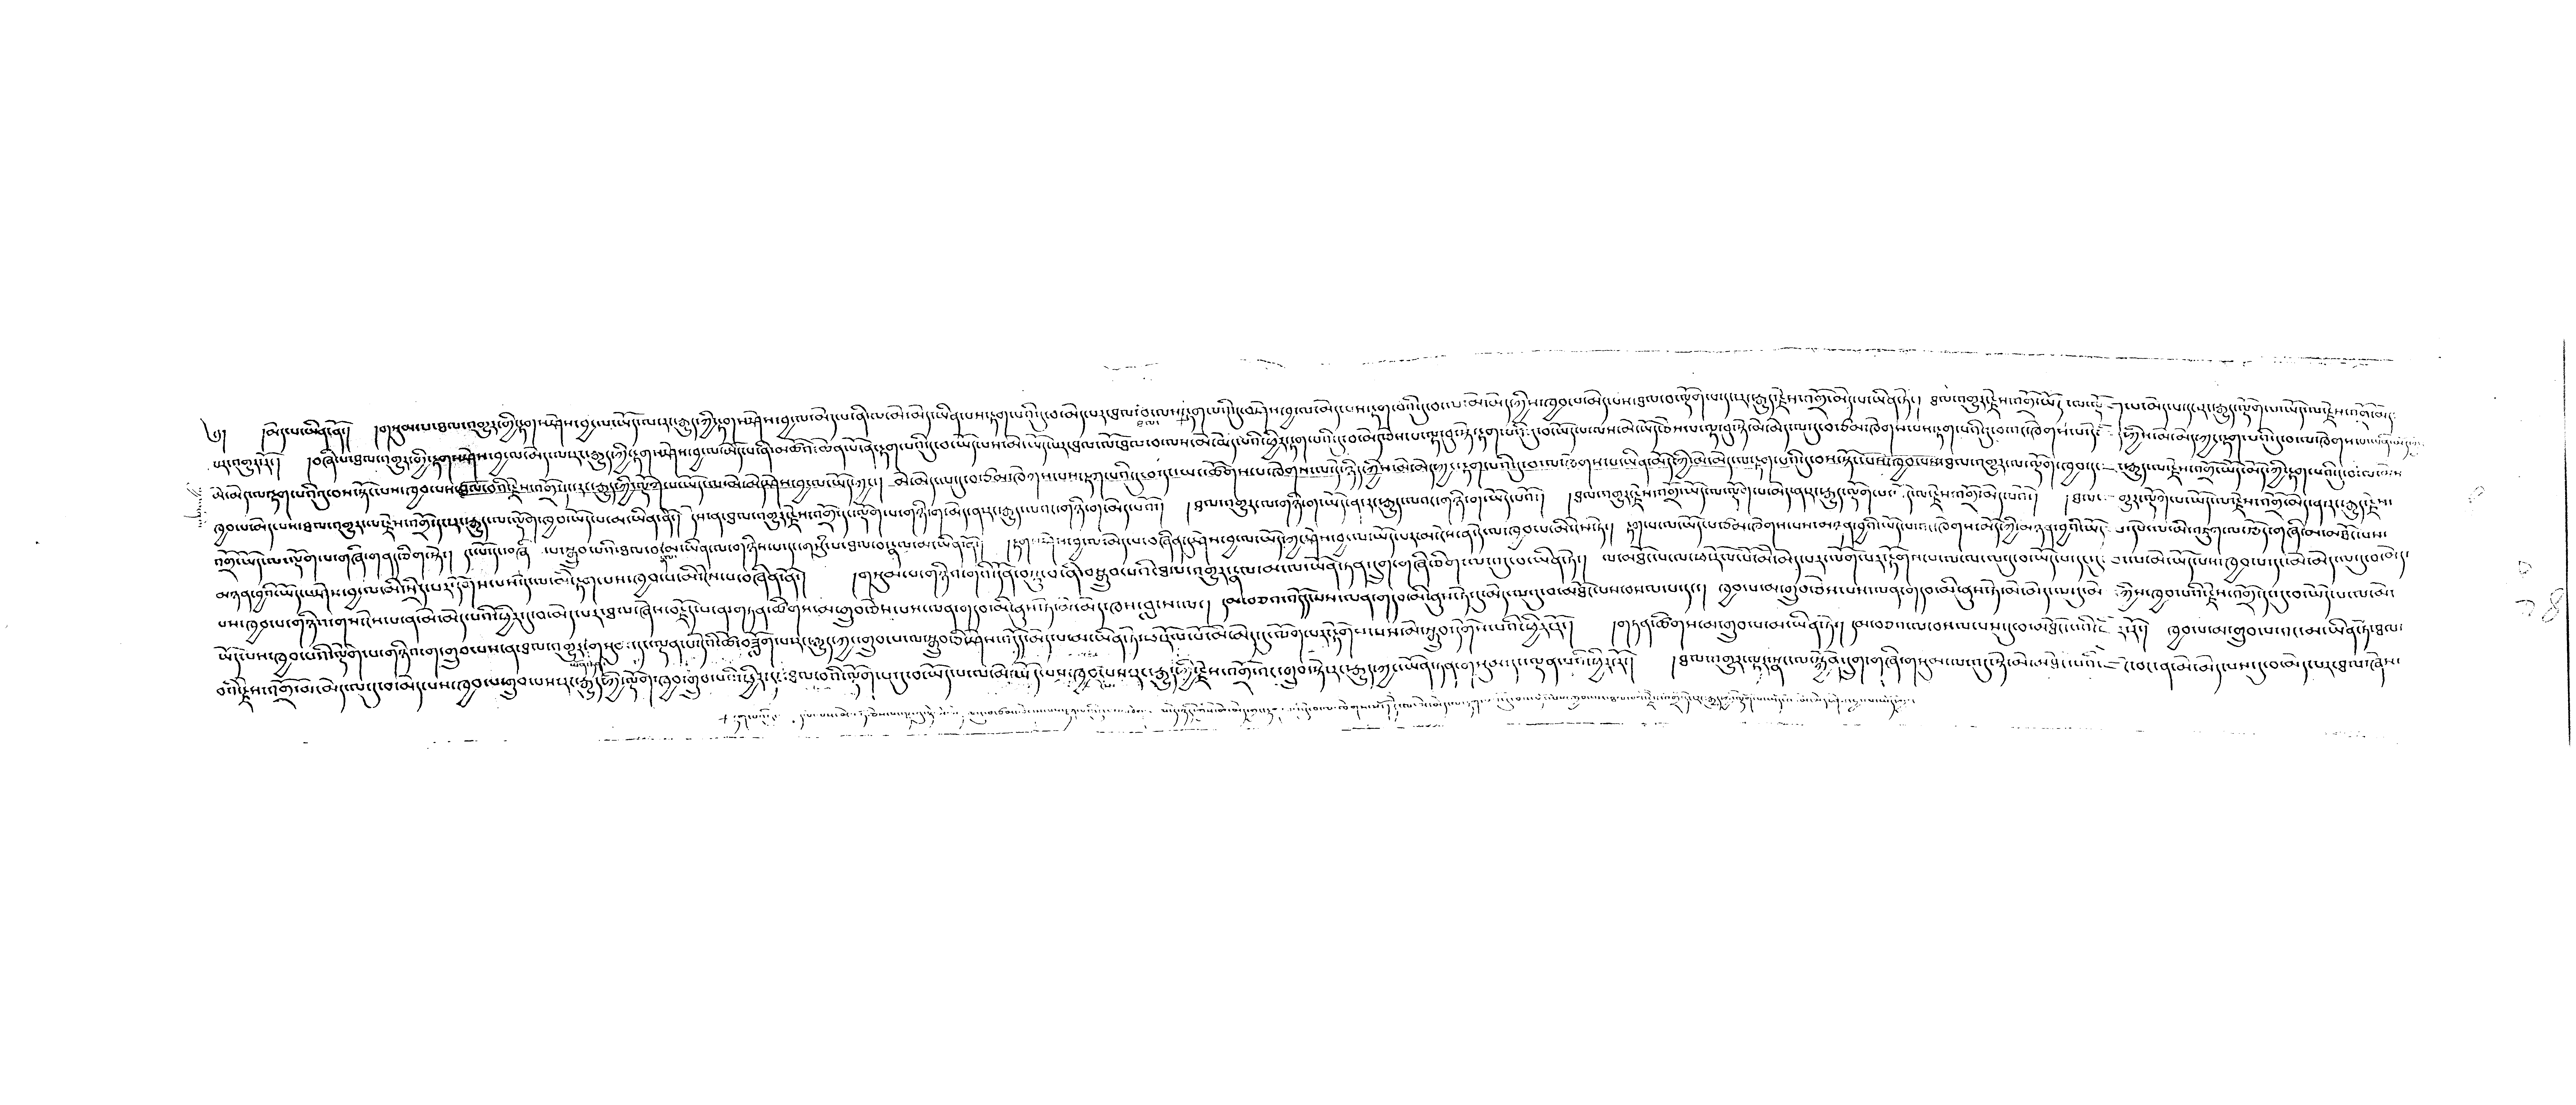༈། །མེད་པ་ཡིན་ནོ། །གསུམ་པ་ཐལ་འགྱུར་གྱི་རྟག་པ་ཤེས་བྱ་ལ་ཡོད་ལ་རང་རྒྱུད་ཀྱི་རྟགས་ཤེས་བྱ་ལ་མེད་པ་ནི་ལ་མེ་མེད་ཡིན་པས་རྟག་པའི་དུ་བ་མེད་པར་ཐལ་ཐལ་བ་ལས་རྟག་པ་དེ་དུ་བ་ཤེས་བྱ་ལ་མེད་པས་རྟག་པའི་དུ་བ་ལ་མེ་མེད་ཀྱིས་ཁྱབ་པ་མེད་པས་ཐལ་བ་ལྡོག་པ་དང་རང་རྒྱུད་རྗེས་འགྲོ་མེད་པ་ཡིན་ཏེ། ཐལ་འགྱུར་རྗེས་འགྲོ་ཡོད་ལ་ལྡོག་པ་མེད་པ་དང་རང་རྒྱུད་ལྡོག་པ་ཡོད་ལ་རྗེས་འགྲོ་མར་
པར་འགྱུར་རོ། །བཞི་པ་ཐལ་འགྱུར་གྱི་རྟགས་ཤེས་བྱ་ལ་ཆེད་ལ་རང་རྒྱུད་ཀྱི་རྟགས་ཤེས་བྱ་ལ་ཡོད་པ་ནི་མཚོ་ཆེན་པོ་ན་རྟག་པའི་དུ་བ་ཡོད་པས་མེད་ཡོད་པར་ཐལ་ལོ་ཐལ་བ་ལས་མེ་མེད་པའི་ཕྱིར་རྟག་པའི་དུ་བ་མེད་ཅེས་པ་ལྟ་བུ་སྟེ་རྟག་པའི་དུ་བ་ཡོད་པ་ལས་མེ་ཡོད་ཅེས་པ་ལྟ་བུ་སྟེ་མེ་མེད་ལ་དུ་བ་ཙམ་ཁེགས་པས་རྟག་པའི་དུ་བ་འང་ཁེགས་པ་དེ་?་ཀྱིས་མེ་མེད་ཀྱང་ལྡག་པའི་དུ་བ་ལ་ཁེགས་པ་ནི་?
མེ་མེད་ལ་རྟག་པའི་དུ་བས་སྟོང་པས་ཁྱབ་པས་ཐལ་བའི་རྗེས་འགྲོ་དང་རང་རྒྱུད་ཀྱི་ལྡོག་པ་ཡོད་པ་མེ་མེད་ཤེས་བྱ་ལ་ཡོད་ཀྱང་། མེ་མེད་པ་དུ་བ་ཙམ་ཁེགས་པས་རྟག་པའི་དུ་བ་དང་ཡང་ཚོགས་པ་ཁེགས་པ་དེ་ཉིད་ཀྱིས་མེ་མེད་ཀྱང་རྟག་པའི་དུ་བ་ལ་ཁེགས་པ་ཡིན་མོད་ཀྱི་མེ་མེད་ལ་རྟག་པའི་དུ་བས་སྟོང་པས་ཁྱབ་པ་ཐལ་འགྱུར་ལ་ལྡོག་ཁྱབ་དང་། རྒྱུད་ལ་རྗེས་འགྲོ་ཡོད་མོད་ཀྱི་རྟག་པའི་དུ་བ་ལ་?
ཁྱབ་མེད་པས་ཐལ་འགྱུར་ལ་རྗེས་འགྲོ་དང་རང་རྒྱུ་ལ་ལྡོག་ཁྱབ་ཡོད་པ་མ་ཡིན་ནོ། དེས་ན་ཐལ་འགྱུར་རྗེས་འགྲོ་དང་ལྡོག་པ་གཉི་ག་མེད་ན་རང་རྒྱུད་པའང་གཉི་ག་མེད་པའོ། །ཐལ་འགྱུར་ལ་གཉི་ག་ཡོད་ན་རང་རྒྱུད་ལའང་གཉི་ག་ཡོད་པའོ། །ཐལ་འགྱུར་རྗེས་འགྲོ་ཡོད་ལ་ལྡོག་པ་མེད་ན་རང་རྒྱུད་ལྡོག་པ་དེ་ལ་རྗེས་འགྲོ་མེད་པའོ། །ཐལ་འགྱུར་ལྡོག་པ་ཡོད་ལ་རྗེས་འགྲོ་མེད་ན་རང་རྒྱུད་རྗེས་
འགྲོ་ཡོད་ལ་ལྡོག་པ་གཞི་གནད་ཅིག་སྟེ། དང་པོ་དང་བཞི་པ་སྒྲུབ་པའི་ཐལ་བ་?་མ་ཡིན་ལ་གཉིས་པ་དང་གསུམ་པ་ཐལ་བ་རྣལ་མ་ཡིན་ནོ། །རྟག་ཤེས་བྱ་ལ་མེད་པ་བཞིན་དུ་ཤེས་བྱ་ལ་ཡོད་ཀྱང་ཤེས་བྱ་ལ་ཡོད་པར་མ་ངེས་ན་དེ་ལ་ཁྱབ་པ་མི་ངེས་ཏེ། རྟག་པ་ལ་ཡོད་པ་ཙམ་ཁེགས་པས་མཉན་བྱའི་ཡོད་པ་འང་ཁེགས་མོད་ཀྱི་མཉན་བྱའི་ཡོད་པ་དཔེ་ལ་མི་འཇུག་ལ་རྩེད་གཞི་མ་མཐོང་པས་
མཉན་བྱའི་ཡོད་པ་ཤེས་བྱ་ལ་མི་སྲིད་པར་དོགས་པས་དེ་ལ་མི་རྟག་པས་ཁྱབ་པ་མི་ངེས་པ་བཞིན་ནོ། །གསུམ་པ་གཉིས་གའི་དོན་བསྡུ་བ་ནི་བསྒྲུབ་པའི་ཐལ་འགྱུར་རྣལ་མང་པ་ཡོན་ཏན་དྲུག་གཞི་ཅིག་ལ་འདུ་བ་ཡིན་ཏེ། ལ་མཐོང་པ་ལ་ཕ་རོལ་པོ་མི་མེད་པར་ལོག་པར་རྟོགས་པ་ལ་ལ་ལ་དུ་བ་ཡོད་པ་དང་དུ་བ་ལ་མེ་ཡོད་པས་ཁྱབ་པ་དང་མེ་མེད་ལ་དུ་བ་མེད་
པས་ཁྱབ་པ་གཉིས་གས་ངེས་པ་ན་མེ་མེད་པའི་ཕྱིར་དུ་བ་མེད་པར་ཐལ་ཞེས་བརྗོད་པ་ན་གཏན་ཚིགས་མ་གྲུབ་ཅེས་པས་ལན་གདབ་མི་ནུས་ཏེ་མེ་མེད་ཁས་བླངས་ལ། དམ་བཅའ་འདོད་པས་ལན་གདབ་མི་ནུས་ཏེ་དུ་མེད་ལ་དུ་བ་མཐོང་པས་བསལ་པ་དང་། ཁྱབ་པ་མ་གྲུབ་ཅེས་པས་ལན་གདབ་མི་ནུས་ཏེ་མེ་མེད་ལ་དུ་མེས་ཀྱིས་ཁྱབ་པའི་རྗེས་འགྲོ་དང་དུ་བ་ཡོད་པ་ལ་མེ་
ཡོད་པས་ཁྱབ་པའི་ལྡོག་པ་གཉིས་ག་གྲུབ་པས་ན་ཐལ་འགྱུར་ཡོན་ཏན་གསུམ་དང་ལྡན་པ་དེའི་ཚེ་བཟློག་པ་རང་རྒྱུད་ཀྱང་གྲུབ་པ་ལ་སྒྲུབ་ཅི་ཤེས་འདོད་མེད་པ་མ་ཡིན་ཏེ་ཕ་རོལ་པོ་མི་མེད་དུ་ལོག་པར་རྟོགས་པས་མེ་སྒྲུབ་དགོས་པའི་ཕྱིར་རོ། །གཏན་ཚིགས་མ་གྲུབ་པ་མ་ཡིན་ཏེ། དམ་བཅའ་ལ་བསལ་པས་དུ་བ་མཐོང་པའི་ཕྱིར་རོ། ཁྱབ་པ་མ་གྲུབ་པ་འང་མ་ཡིན་ཏེ་ཐལ་
བའི་རྗེས་འགྲོ་མ་མེད་ལ་དུ་བ་མེད་པས་ཁྱབ་པ་གྲུབ་པས་རང་རྒྱུད་ཀྱི་ལྡོག་ཁྱབ་གྲུབ་པའི་ཕྱིར་དང་?་ཐལ་བའི་ལྡོག་པ་དུ་བ་ཡོད་པ་ལ་མེ་ཡོད་པས་ཁྱབ་པས་རང་རྒྱུད་ཀྱི་རྗེས་འགྲོ་འང་གྲུབ་སྟེ་རང་རྒྱུད་ཀྱང་ཡོན་ཏན་གསུམ་དང་ལྡན་པའི་ཕྱིར་རོ། །ཐལ་འགྱུར་ལྟར་སྣང་ལ་སྐྱོན་དྲུག་གཞི་གསུམ་ལ་འདུ་སྟེ་མེ་མཐོང་པའི་ཚང?་བང་ན་མེ་མེད་པས་དུ་བ་མེད་པར་ཐལ་ཞེས་